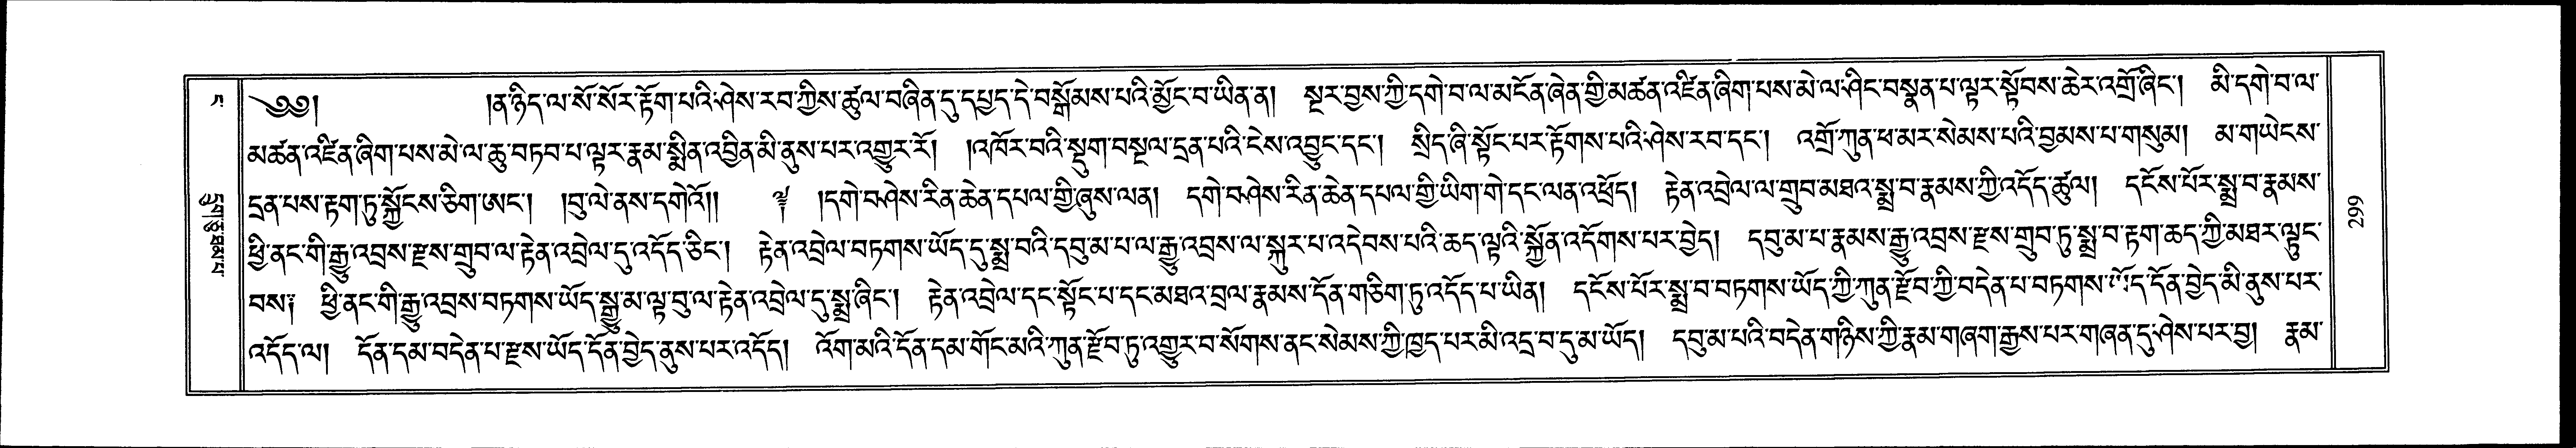༄༅། །ན་ཉིད་ལ་སོ་སོར་རྟོག་པའི་ཤེས་རབ་ཀྱིས་ཚུལ་བཞིན་དུ་དཔྱད་དེ་བསྒོམས་པའི་མྱོང་བ་ཡིན་ན། སྔར་བྱས་ཀྱི་དགེ་བ་ལ་མངོན་ཞེན་གྱི་མཚན་འཛིན་ཞིག་པས་མེ་ལ་ཤིང་བསྣན་པ་ལྟར་སྟོབས་ཆེར་འགྲོ་ཞིང་། མི་དགེ་བ་ལ་
མཚན་འཛིན་ཞིག་པས་མེ་ལ་ཆུ་བཏབ་པ་ལྟར་རྣམ་སྨིན་འབྱིན་མི་ནུས་པར་འགྱུར་རོ། །འཁོར་བའི་སྡུག་བསྔལ་དྲན་པའི་ངེས་འབྱུང་དང་། སྲིད་ཞི་སྟོང་པར་རྟོགས་པའི་ཤེས་རབ་དང་། འགྲོ་ཀུན་ཕ་མར་སེམས་པའི་བྱམས་པ་གསུམ། མ་གཡེངས་
དྲན་པས་རྟག་ཏུ་སྐྱོངས་ཅིག་ཨང་། །བུ་ལེ་ནས་དགེའོ།། ༈ །དགེ་བཤེས་རིན་ཆེན་དཔལ་གྱི་ཞུས་ལན། དགེ་བཤེས་རིན་ཆེན་དཔལ་གྱི་ཡིག་གེ་དང་ལན་འཕྲོད། རྟེན་འབྲེལ་ལ་གྲུབ་མཐའ་སྨྲ་བ་རྣམས་ཀྱི་འདོད་ཚུལ། དངོས་པོར་སྨྲ་བ་རྣམས་
ཕྱི་ནང་གི་རྒྱུ་འབྲས་རྫས་གྲུབ་ལ་རྟེན་འབྲེལ་དུ་འདོད་ཅིང་། རྟེན་འབྲེལ་བཏགས་ཡོད་དུ་སྨྲ་བའི་དབུ་མ་པ་ལ་རྒྱུ་འབྲས་ལ་སྐུར་པ་འདེབས་པའི་ཆད་ལྟའི་སྐྱོན་འདོགས་པར་བྱེད། དབུ་མ་པ་རྣམས་རྒྱུ་འབྲས་རྫས་གྲུབ་ཏུ་སྨྲ་བ་རྟག་ཆད་ཀྱི་མཐར་ལྟུང་
བས། ཕྱི་ནང་གི་རྒྱུ་འབྲས་བཏགས་ཡོད་སྒྱུ་མ་ལྟ་བུ་ལ་རྟེན་འབྲེལ་དུ་སྨྲ་ཞིང་། རྟེན་འབྲེལ་དང་སྟོང་པ་དང་མཐའ་བྲལ་རྣམས་དོན་གཅིག་ཏུ་འདོད་པ་ཡིན། དངོས་པོར་སྨྲ་བ་བཏགས་ཡོད་ཀྱི་ཀུན་རྫོབ་ཀྱི་བདེན་པ་བཏགས་ཡོད་དོན་བྱེད་མི་ནུས་པར་
འདོད་ལ། དོན་དམ་བདེན་པ་རྫས་ཡོད་དོན་བྱེད་ནུས་པར་འདོད། འོག་མའི་དོན་དམ་གོང་མའི་ཀུན་རྫོབ་ཏུ་འགྱུར་བ་སོགས་ནང་སེམས་ཀྱི་ཁྱད་པར་མི་འདྲ་བ་དུ་མ་ཡོད། དབུ་མ་པའི་བདེན་གཉིས་ཀྱི་རྣམ་གཞག་རྒྱས་པར་གཞན་དུ་ཤེས་པར་བྱ། རྣམ་